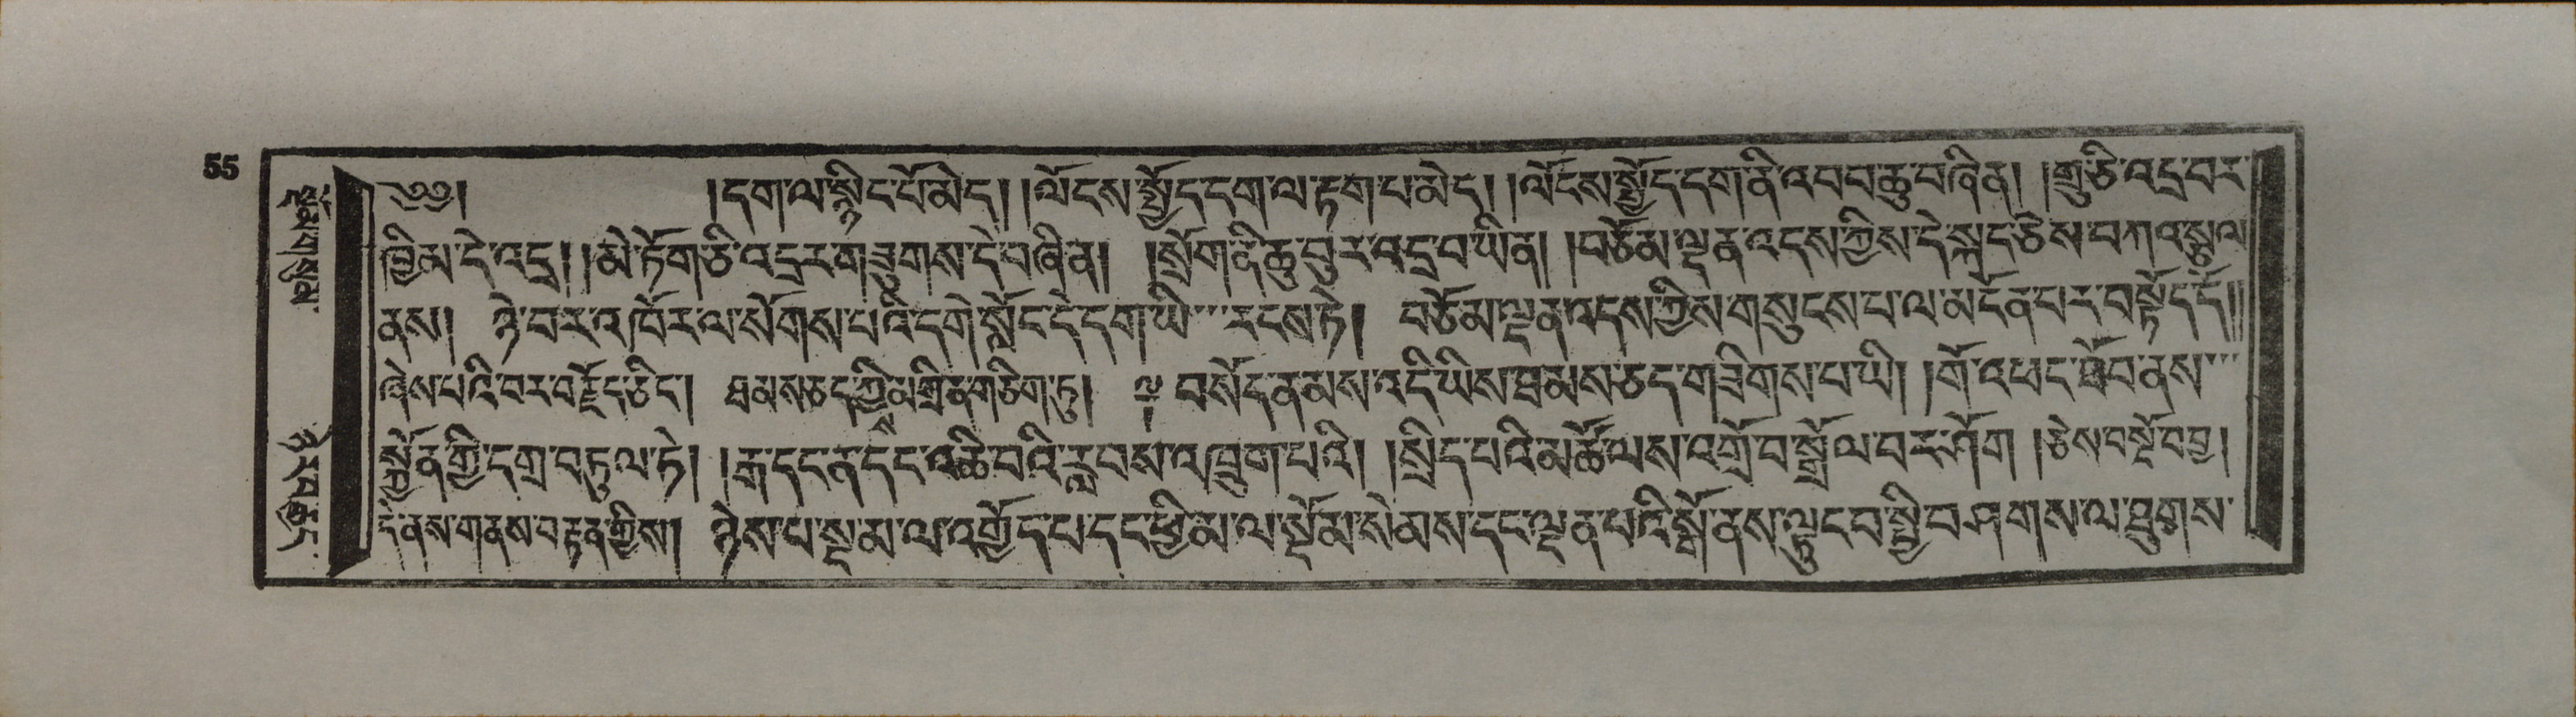༄༅། །དག་ལ་སྙིང་པོ་མེད། །ལོངས་སྤྱོད་དག་ལ་རྟག་པ་མེད། །ལོངས་སྤྱོད་དག་ནི་འབབ་ཆུ་བཞིན། །གྲུ་ཅི་འདྲ་བར་
ཁྱིམ་དེ་འདྲ། །མེ་ཏོག་ཅི་འདྲར་གཟུགས་དེ་བཞིན། །སྲོག་ནི་ཆུ་བུར་འདྲ་བ་ཡིན། །བཅོམ་ལྡན་འདས་ཀྱིས་དེ་སྐད་ཅེས་བཀའ་སྩལ་
ནས། ཉེ་བར་འཁོར་ལ་སོགས་པའི་དགེ་སློང་དེ་དག་ཡི་རངས་ཏེ། བཅོམ་ལྡན་འདས་ཀྱིས་གསུངས་པ་ལ་མངོན་པར་བསྟོད་དོ།།
ཞེས་པའི་བར་བརྗོད་ཅིང་། ཐམས་ཅད་ཀྱིས་མགྲིན་གཅིག་ཏུ།  ༈ བསོད་ནམས་འདི་ཡིས་ཐམས་ཅད་གཟིགས་པ་ཡི། །གོ་འཕང་ཐོབ་ནས་
སྐྱོན་གྱི་དགྲ་བཏུལ་ཏེ། །རྒ་དང་ན་དང་འཆི་བའི་རླབས་འཁྲུག་པའི། །སྲིད་པའི་མཚོ་ལས་འགྲོ་བ་སྒྲོལ་བར་ཤོག །ཅེས་བསྔོ་བ་བྱ།
དེ་ནས་གནས་བརྟན་གྱིས། ཉེས་པ་སྔ་མ་ལ་འགྱོད་པ་དང་ཕྱི་མ་ལ་སྡོམ་སེམས་དང་ལྡན་པའི་སྒོ་ནས་ལྟུང་བ་སྤྱི་བཤགས་ལ་ཐུགས་